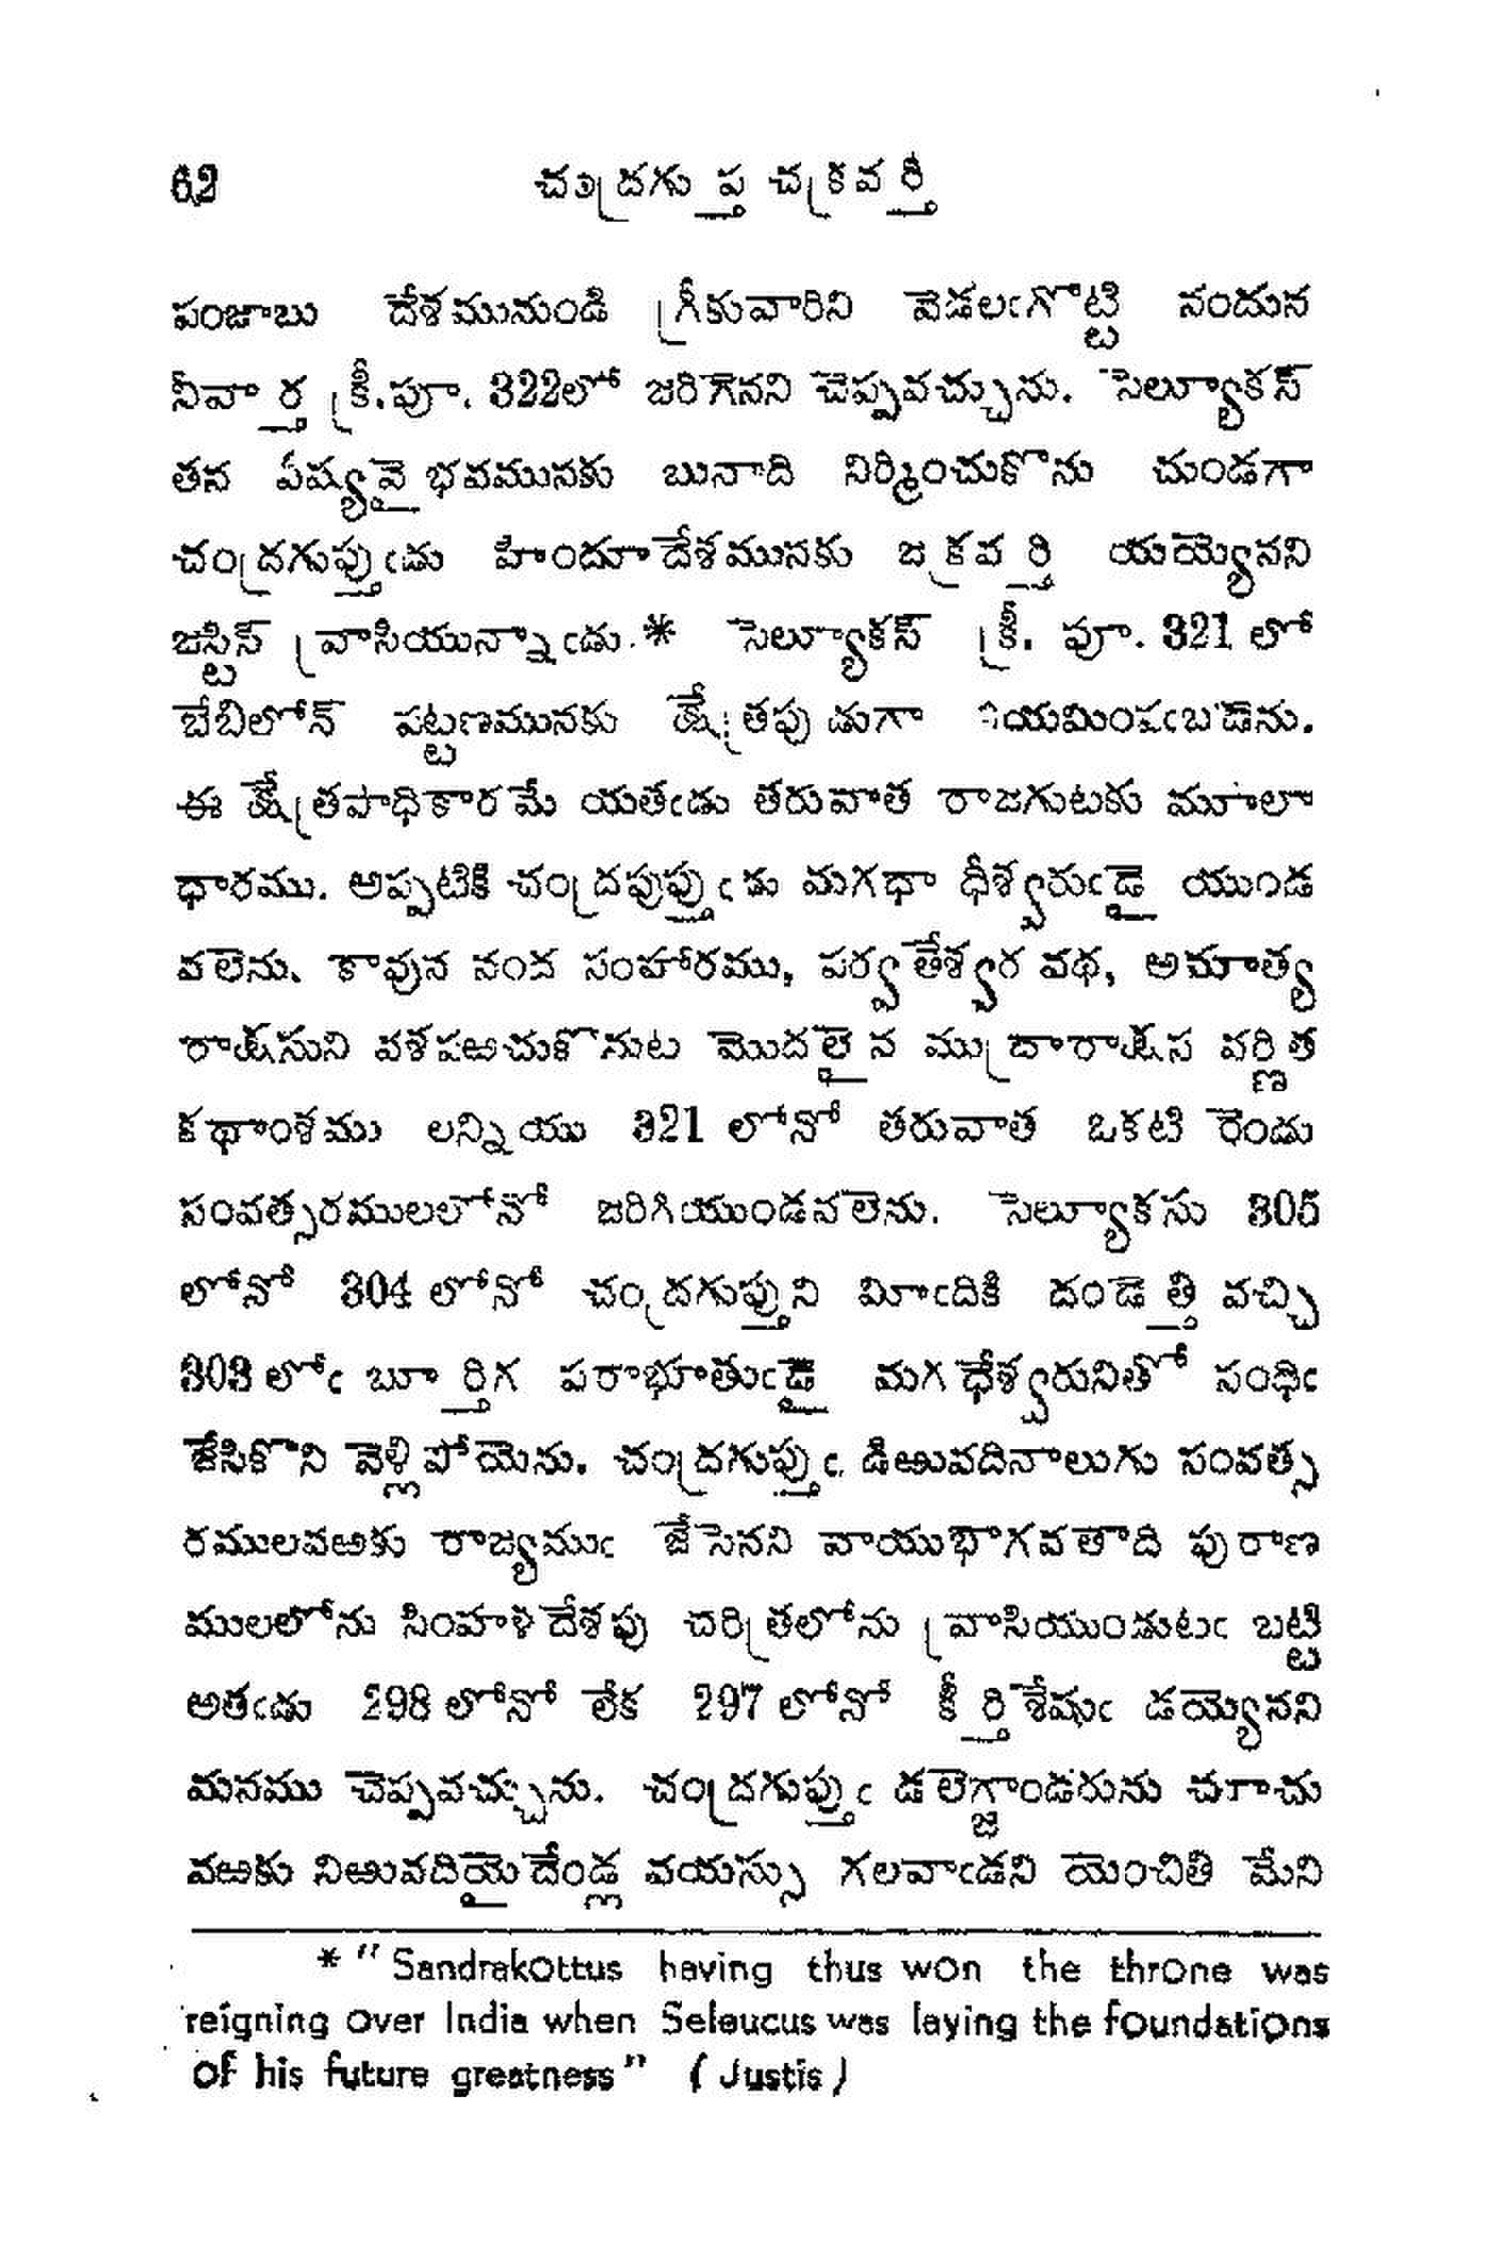పంజాబు చేశమునుండి గ్రీకువారిని వెడలఁగొట్టి నందున నీవార్త క్రీ.పూ. 322లో జరిగెనని చెప్పవచ్చును. సెల్యూకస్ తన ఏష్యవై భవమునకు బునాది నిర్మించుకొను చుండగా చంద్రగుప్తుఁడు హిందూదేశమునకు జక్రవర్తి యయ్యేనని జస్టిన్ వాసియున్నాఁడు.* సెల్యూకస్ క్రీ. పూ. 321 లో బేబిలోన్ పట్టణమునకు క్షేత్రపుడుగా నియమింపఁబడెను. ఈ క్షేత్రపాధికారమే యతఁడు తరువాత రాజగుటకు మూలాధారము. అప్పటికి చంద్రఫుప్తుఁడు మగధా ధీశ్వరుఁడై యుండవలెను. కావున నంద సంహారము, పర్వతేశ్వర వథ, అమాత్య రాక్షసుని వశపఱచుకొనుట మొదలైన ముద్రారాక్షస వర్ణిత కథాంశము లన్నియు 321 లోనో తరువాత ఒకటి రెండు సంవత్సరములలోనో జరిగియుండవలెను. సెల్యూకసు 305 లోనో 304 లోనో చంద్రగుప్తుని మీదికి దండెత్తి వచ్చి 303 లోఁ బూర్తిగ పరాభూతుఁడై మగధేశ్వరునితో సంధిఁ జేసికొని వెళ్లి పోయెను. చంద్రగుప్తుఁ డిఱువదినాలుగు సంవత్సరములవఱకు రాజ్యముఁ జేసెనని వాయుభాగవతాది పురాణములలోను సింహళదేశపు చరిత్రలోను వ్రాసియుండుటఁ బట్టి అతఁడు 298 లోనో లేక 297 లోనో కీర్తి శేషుఁ డయ్యెనని మనము చెప్పవచ్చును. చంద్రగుప్తుఁ డలెగ్జాండరును చూచు వఱకు నిఱువదియై దేండ్ల వయస్సు గలవాఁడని యెంచితి మేని